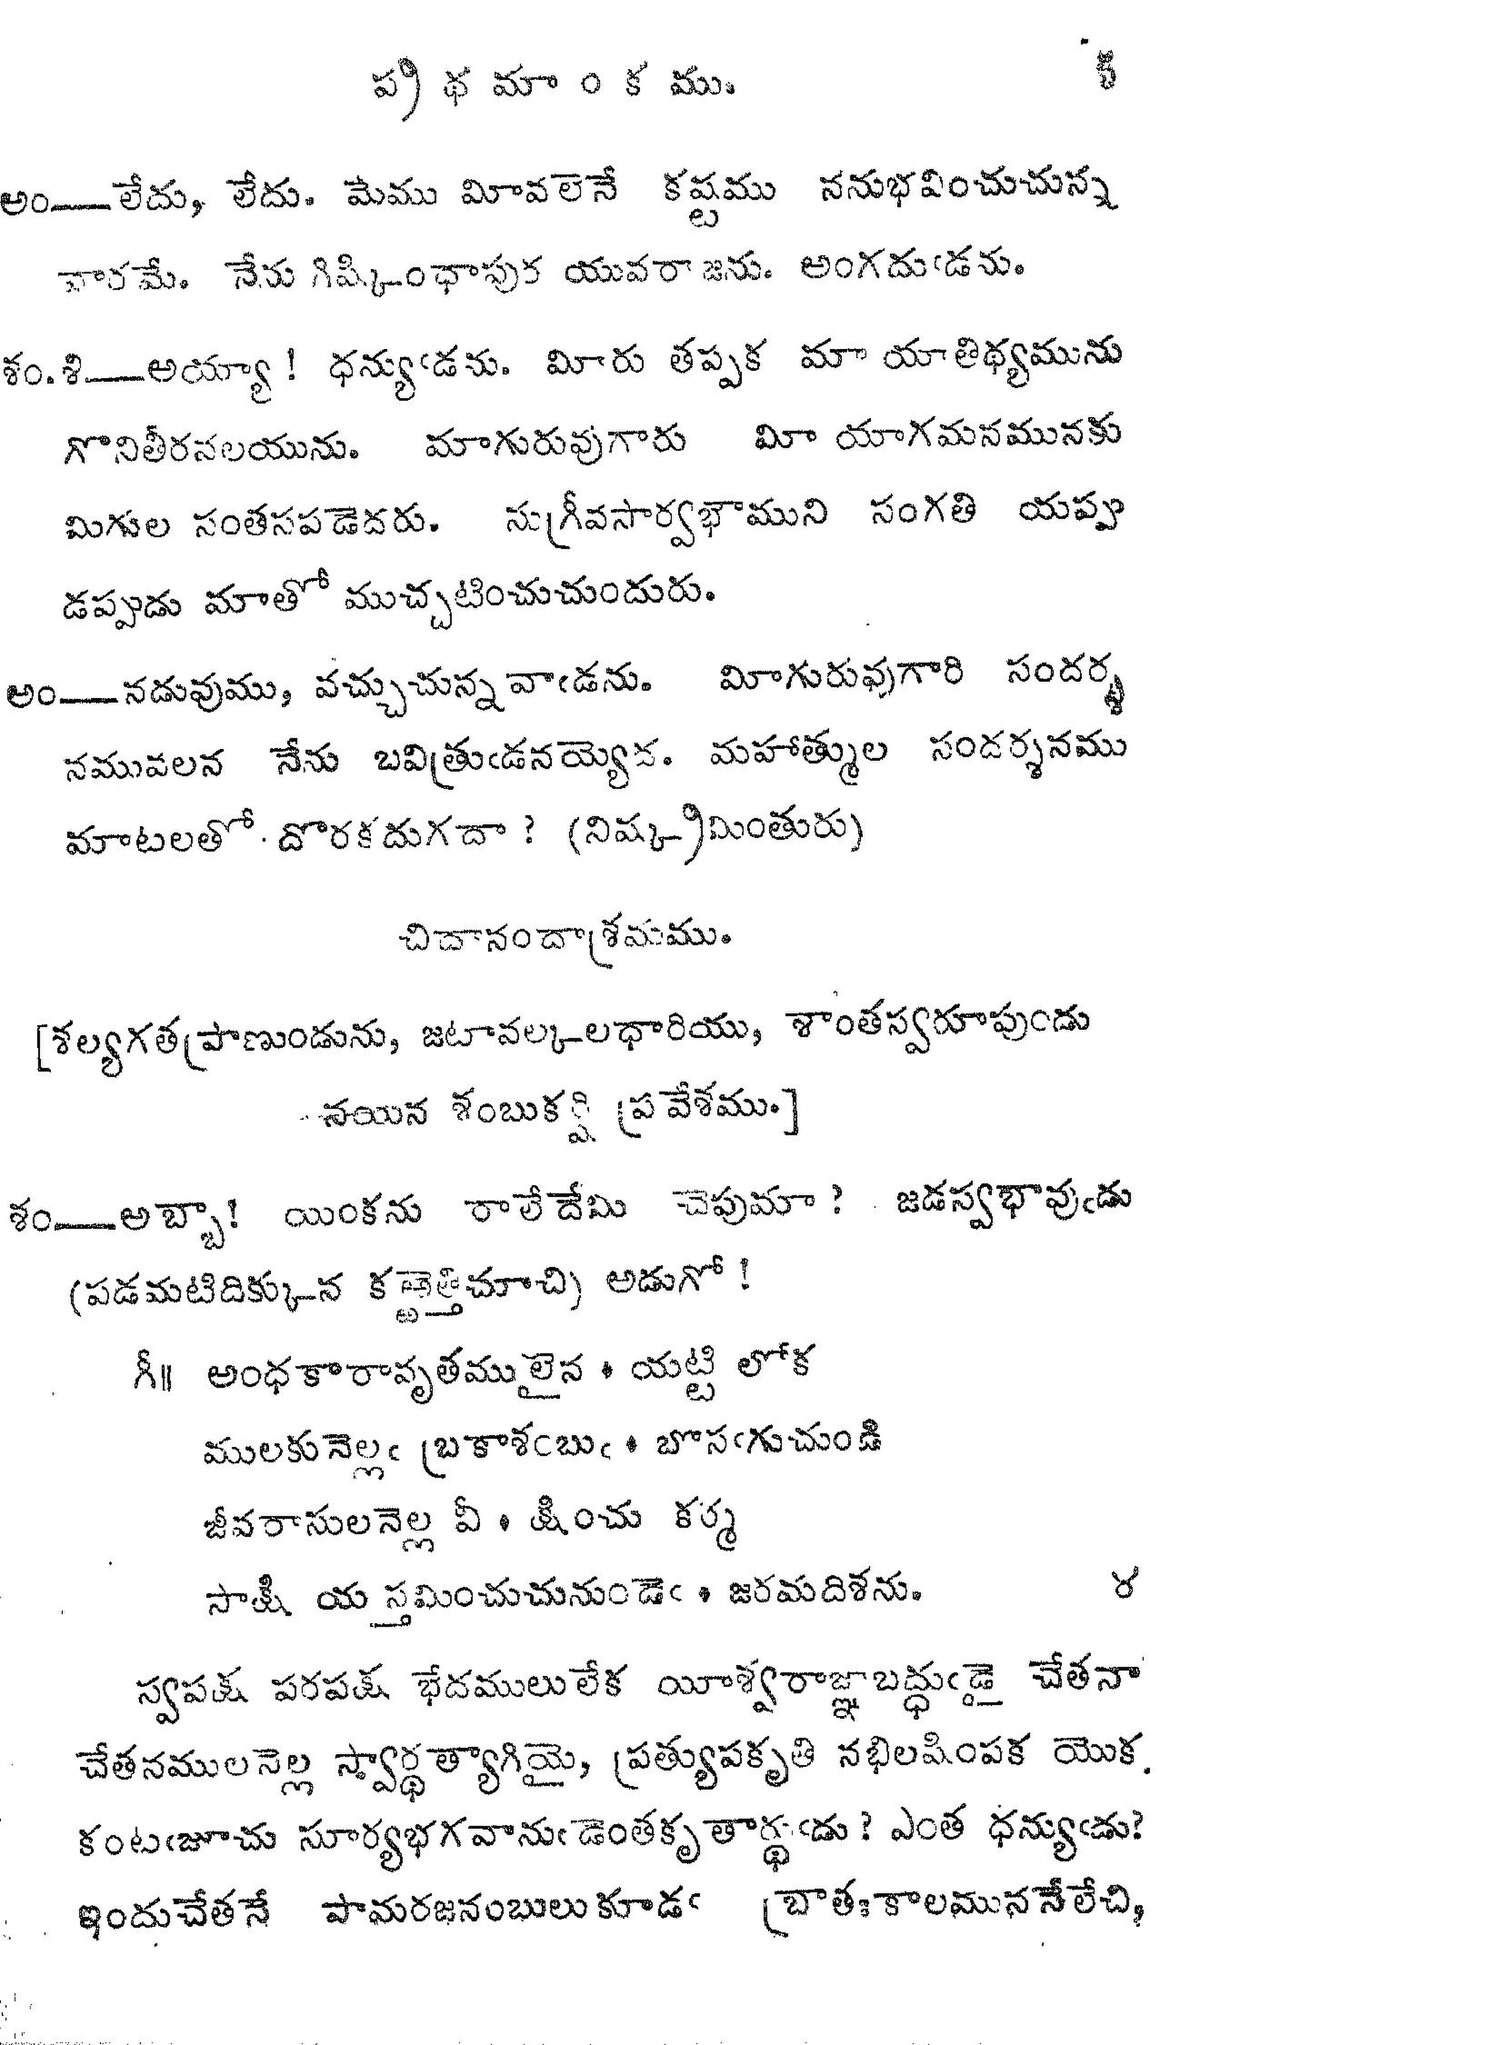.

అం: లేదు, లేదు. మేము మీవలెనే కష్టము ననుభవించుచున్న
 వారమే. నేను గిష్కింధాపుర యువరాజును. అంగదుఁడను.

శం: అయ్యా ! ధన్యుఁడను. మీరు తప్పక మా యాతిథ్యమును
 గొని తీరనలయును. మాగురువు గారు మీ యాగమనమునకు
 మిగుల సంతస పడెదరు. సుగ్రీవ సార్వభౌముని సంగతి యప్పు
 డప్పుడు మాతో ముచ్చటించు చుందురు.

అం:నడువుము, వచ్చుచున్న వాఁడను. మీగురువు గారి సందర్శ
 నమువలన నేను బవిత్రుఁడనయ్యెద. మహాత్ముల సందర్శనము
 మాటలతో దొరకదుగదా ! (నిష్క్రమింతురు)

 

శం– అబ్బా! యింకను రాలేదేమీ చెపుమా ? జడస్వభావుడు
 (పడమటి దిక్కున కత్తి చూచి) అడుగో !

 గీ! అంధకారానృతము లైన • యట్టి లోక
 ములకు నెల్లఁ బ్రకాశఁబుఁ * బొసఁగుచుండి
 జీవరాసుల నెల్ల వీ • క్షించు కర్మ
 సాక్షి, య స్తమించుచునుండెఁ జరమదిశను.

 స్వపక్ష పరపక్ష, భేదములు లేక యీశ్వరాగ్నా బద్ధుఁడై చేతనా
 చేతనములనెల్ల స్వార్థ త్యాగియై, ప్రత్యుపకృతి నభిలషింపక యొక
 కంటఁజూచు సూర్యభగవానుఁ డెంతకృతార్థుఁడు ? ఎంత ధన్యుడు?
 ఇందుచేతనే పామరజనంబులు కూడఁ బ్రాతః కాలముననే లేచి,